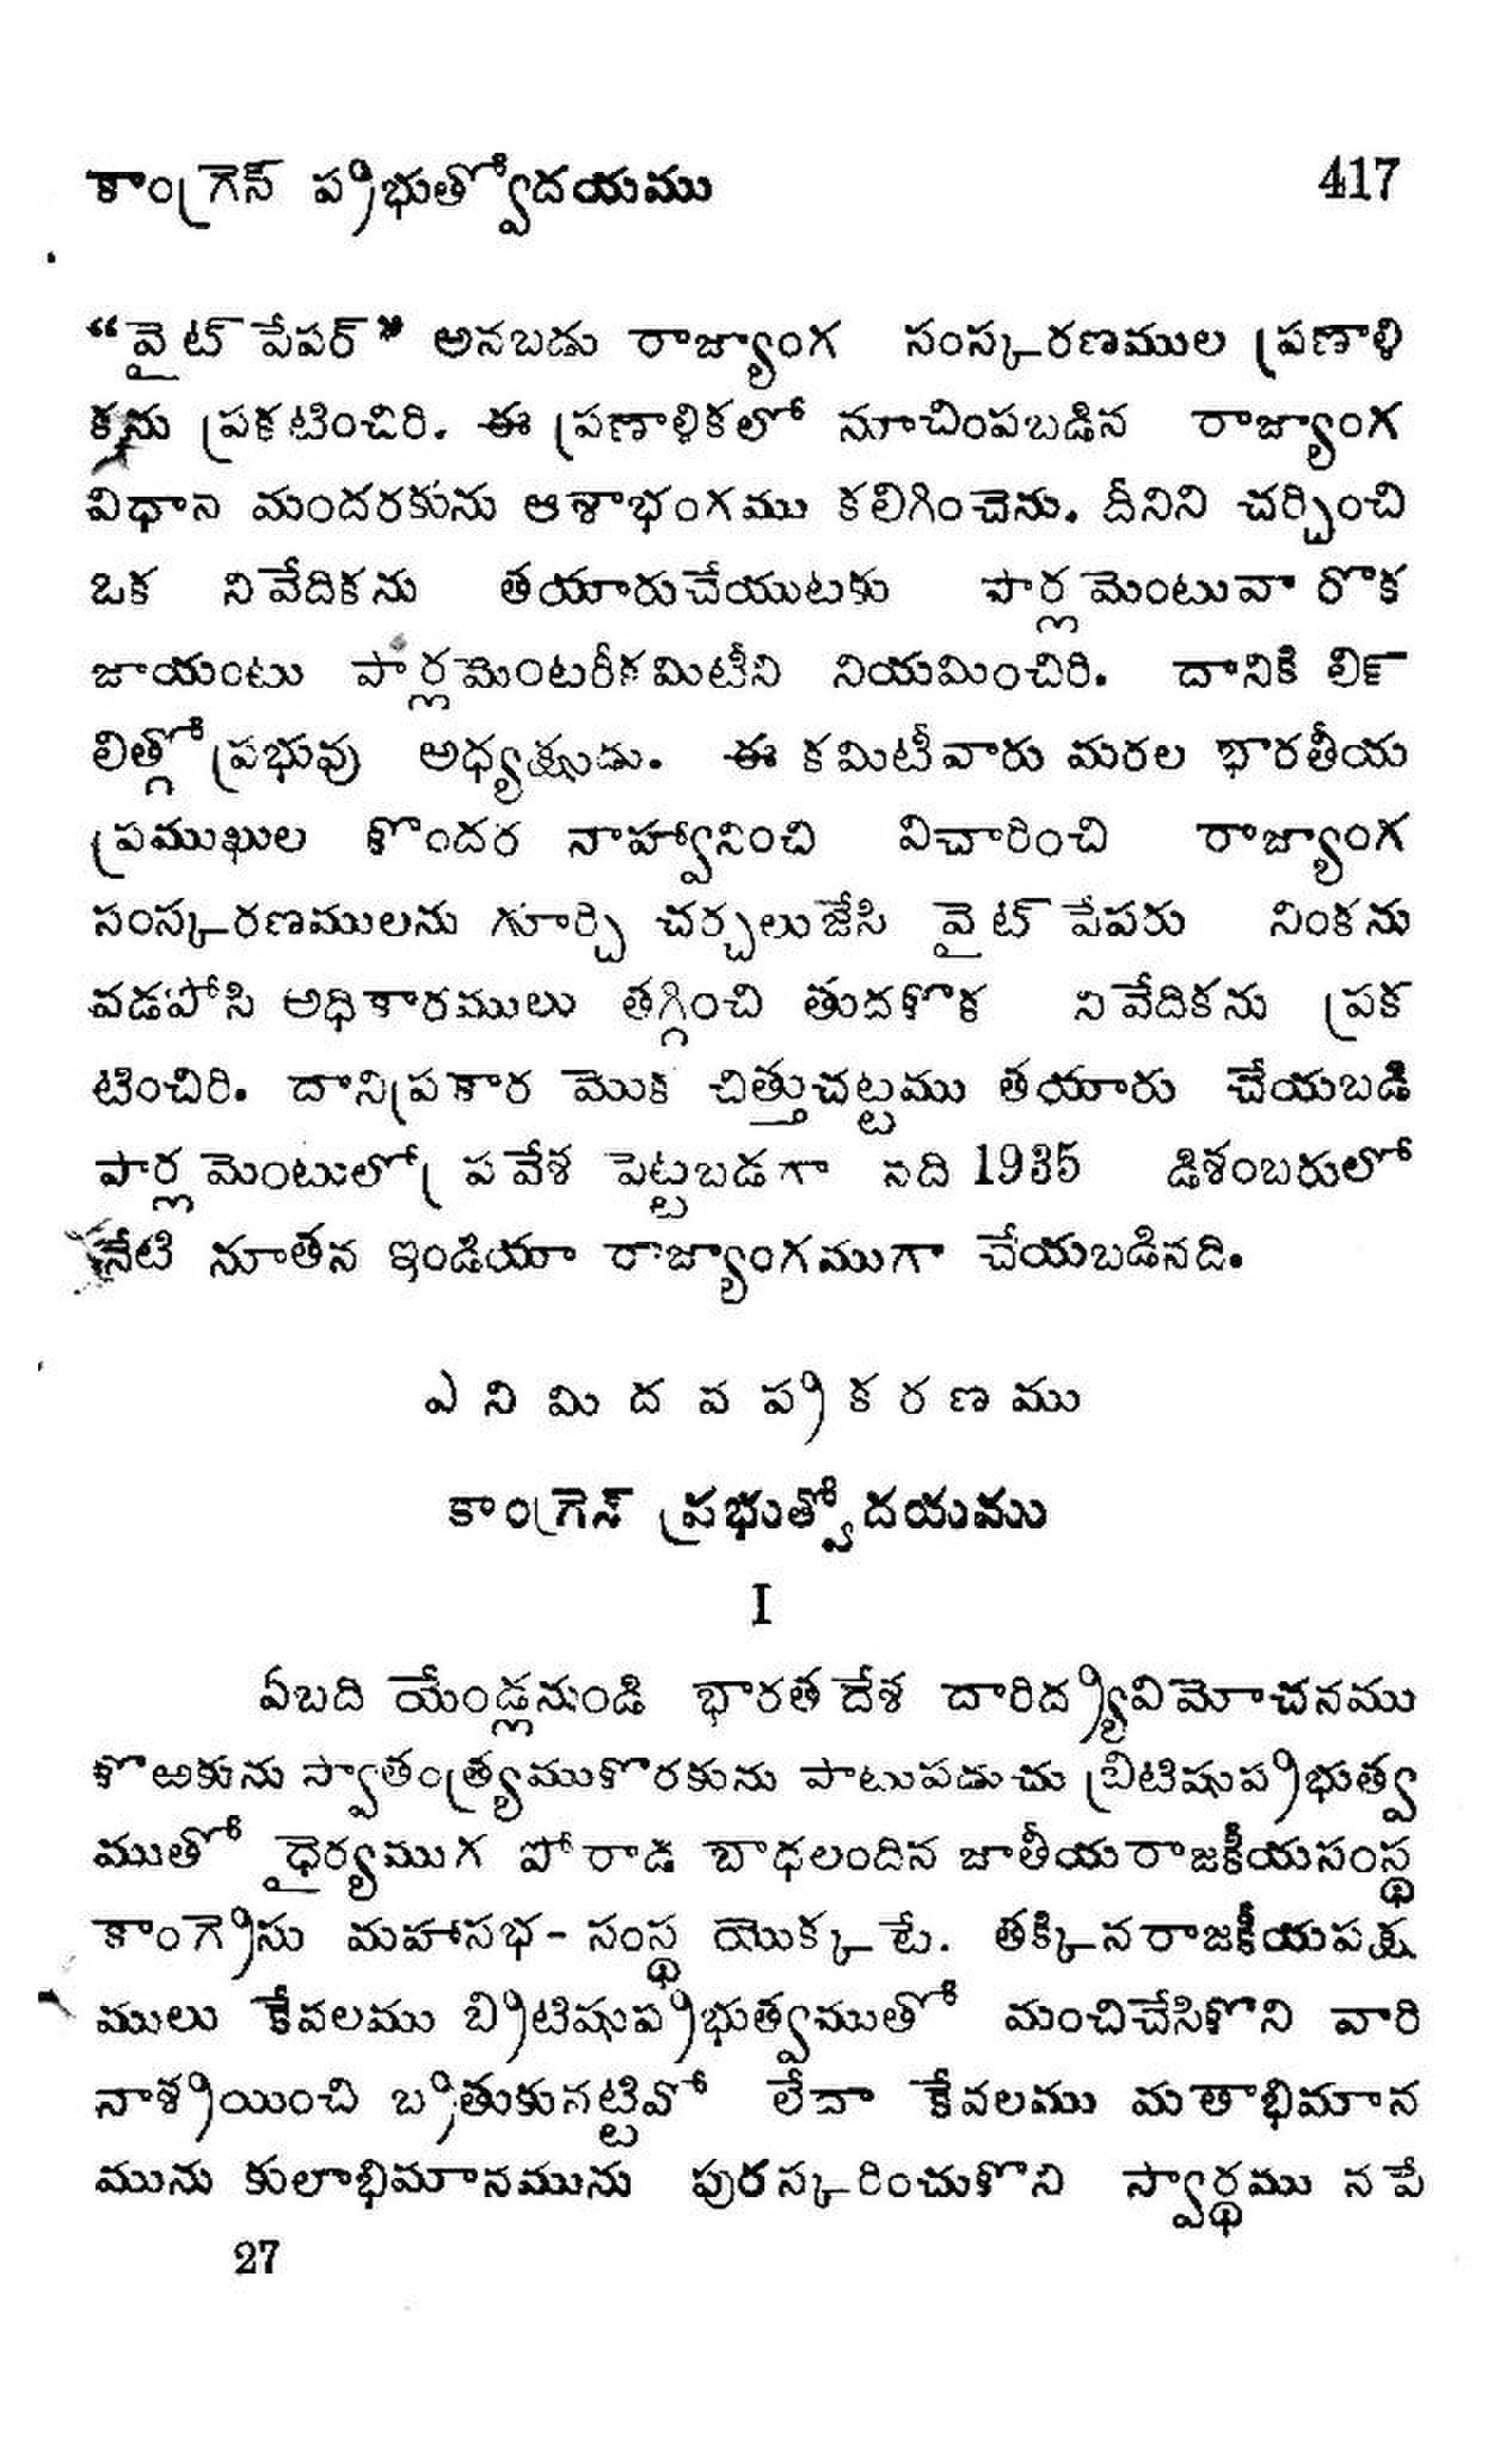“వైట్ పేపర్" అనబడు రాజ్యంగ సంస్కరణముల ప్రణాళికను ప్రకటించిరి. ఈ ప్రణాళికలో నూచింపబడిన రాజ్యాంగ విధాన మందరకును ఆశాభంగము కలిగించెను. దీనిని చర్చించి ఒక నివేదికను తయారుచేయుటకు పార్లమెంటువారొక జాయంటు పార్లమెంటరీకమిటీని నియమించిరి. దానికి లి౯ లిత్గో ప్రభువు అధ్యక్షుడు. ఈ కమిటీవారు మరల భారతీయ ప్రముఖుల కొందర నాహ్వానించి విచారించి రాజ్యాంగ సంస్కరణములను గూర్చి చర్చలుజేసి వైట్ పేపరు నింకను వడపోసి అధికారములు తగ్గించి తుదకొక నివేదికను ప్రకటించిరి. దానిప్రకార మొక చిత్తుచట్టము తయారు చేయబడి పార్లమెంటులో ప్రవేశ పెట్టబడగా నది 1935 డిశంబరులో నేటి నూతన ఇండియా రాజ్యాంగముగా చేయబడినది.

ఎనిమిదవ ప్రకరణము 
కాంగ్రెస్ ప్రభుత్వోదయము
I

ఏబది యేండ్లనుండి భారతదేశ దారిద్ర్యవిమోచనము కొఱకును స్వాతంత్ర్యముకొరకును పాటుపడుచు బ్రిటిషుప్రభుత్వముతో ధైర్యముగ పోరాడి బాధలందిన జాతీయరాజకీయసంస్థ కాంగ్రెసు మహాసభ - సంస్థ యొక్కటే. తక్కిన రాజకీయపక్షములు కేవలము బ్రిటిషుప్రభుత్వముతో మంచిచేసికొని వారి నాశ్రయించి బ్రతుకునట్టివో లేదా కేవలము మతాభిమానమును కులాభిమానమును పురస్కరించుకొని స్వార్ధము నపే